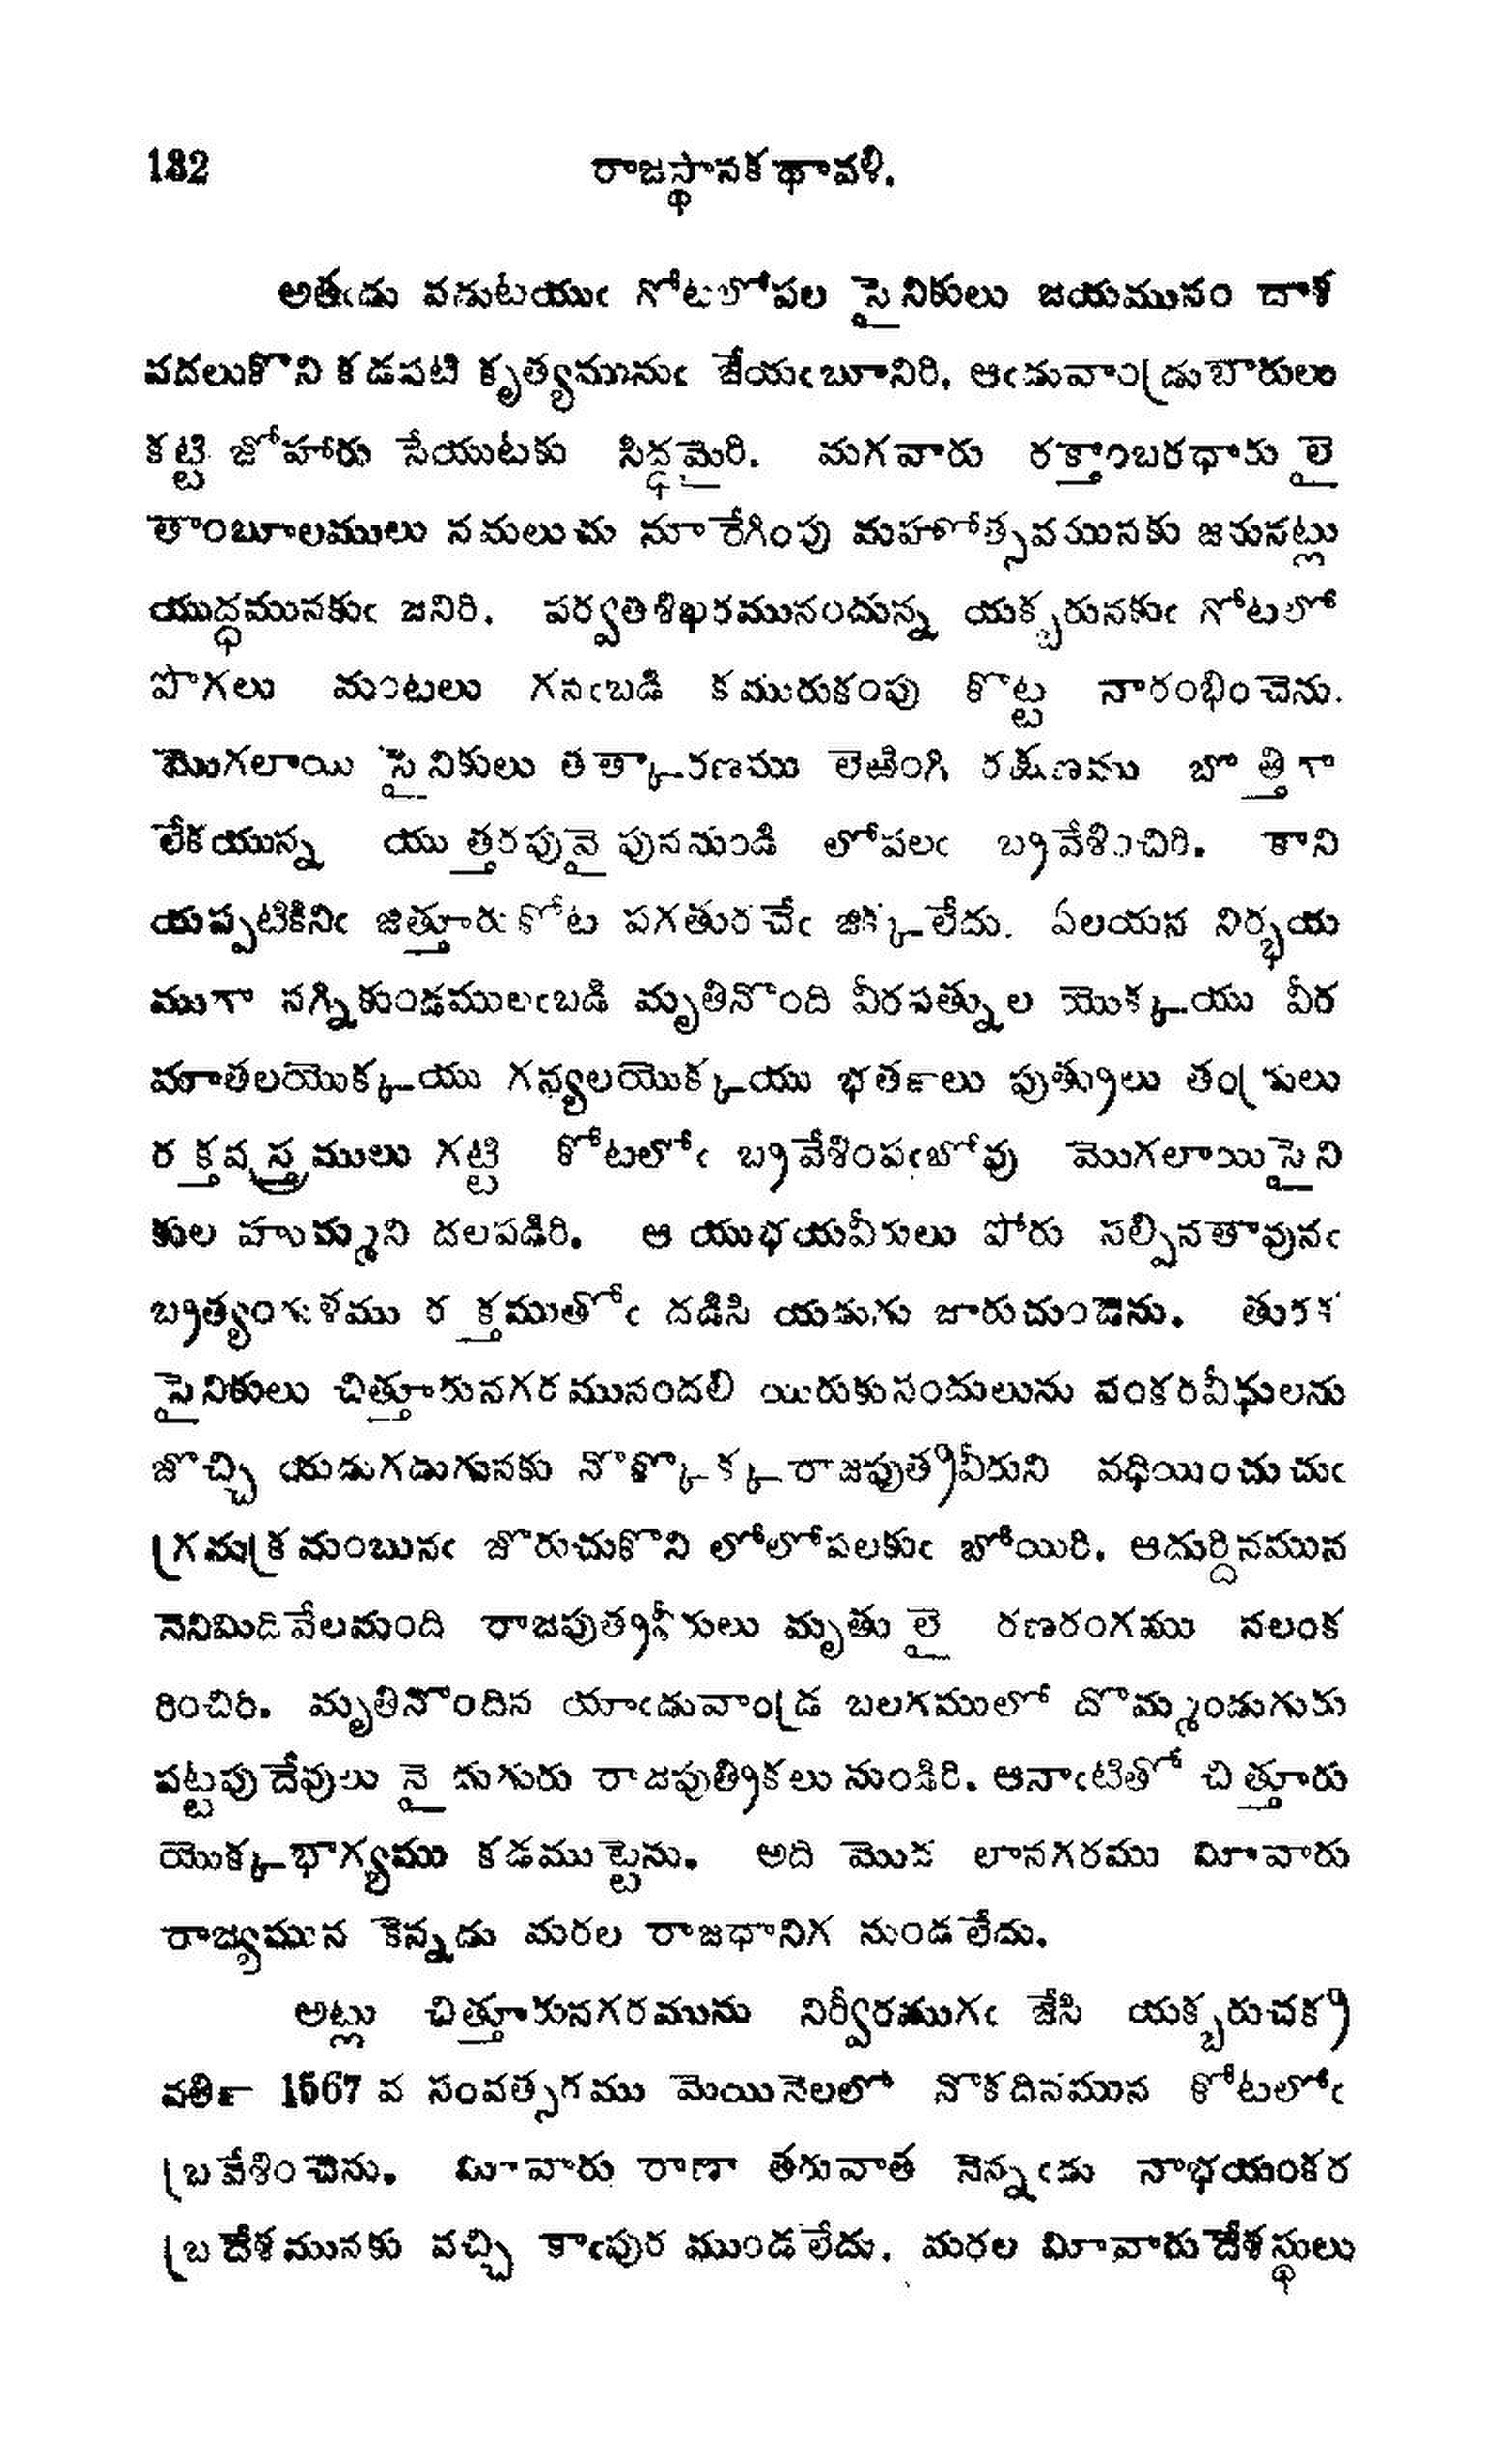అతఁడు వడుటయుఁ గోటలోపల సైనికులు జయమునం దాశ వదలుకొని కడపటి కృత్యమునుఁ జేయఁ బూనిరి. ఆఁడువాండ్రు బారులు
కట్టి జోహారు సేయుటకు సిద్ధమైరి. మగవారు రక్తాంబరధారులై తాంబూలములు నమలుచు నూరేగింపు మహోత్సవమునకు జనునట్లు
యుద్ధమునకుఁ జనిరి. పర్వత శిఖరమునందున్న యక్బరునకుఁ గోటలో పొగలు మంటలు గనఁబడి కమురుకంపు కొట్ట నారంభించెను.
మొగలాయి 'సైనికులు తత్కారణము లెఱింగి రక్షణము బోత్తిగా లేకయున్న యుత్తరపువైపున నుండి లోపలఁ బ్రవేశించిరి. కాని
యప్పటికినిఁ జిత్తూరు కోట పగతురచేఁ జిక్క లేదు. ఏలయన నిర్భయముగా నగ్నికుండములఁబడి మృతినొంది వీరపత్నుల యొక్కయు వీరమాతలయొక్కయు గన్యలయొక్కయు భత౯లు పుత్రులు తండ్రులు రక్తవస్త్రములు గట్టి కోటలోఁ బ్రవేశింపఁబోవు మొగలాయి సైనికుల హుమ్మని దలపడిరి. ఆ యుభయవీరులు పోరు సల్పిన తావునఁ బ్రత్యంగుళము రక్తముతోఁ దడిసి యడుగు జారుచుండెను. తురక
సైనికులు చిత్తూరునగరమునందలి యిరుకు సందులును వంకరవీధులను జొచ్చి యడుగడుగునకు నొక్కొక్క రాజపుత్ర వీరుని వధియించుచుఁ
గ్రమక్రమంబునఁ జొరుచుకొని లోలోపలకుఁ బోయిరి. ఆదుర్దినమున నెనిమిది వేలనుంది రాజపుత్ర వీరులు మృతులై రణరంగము నలంక
రించిరి. మృతినొందిన యాఁడువాండ్ర బలగములో దొమ్మండుగురు పట్టపు దేవులు నైదుగురు రాజపుత్రికలు నుండిరి. ఆనాఁటితో చిత్తూరు
యొక్క భాగ్యము కడముట్టెను.అది మొద లానగరము మీవారు రాజ్యమున కెన్నడు మరల రాజధానిగ నుండ లేదు.

అట్లు చిత్తూరునగరమును నిర్వీరముగఁ జేసి యక్బరుచక్రవతి౯ 1567వ సంవత్సగము మెయినెలలో నొక దినమున కోటలోఁ బ్రవేశించెను. మీవారు రాణా తరువాత నెన్నఁడు నాభయంకర బ్రదేశమునకు వచ్చి కాపుర ముండలేదు. మరల మీవారు దేశస్థులు